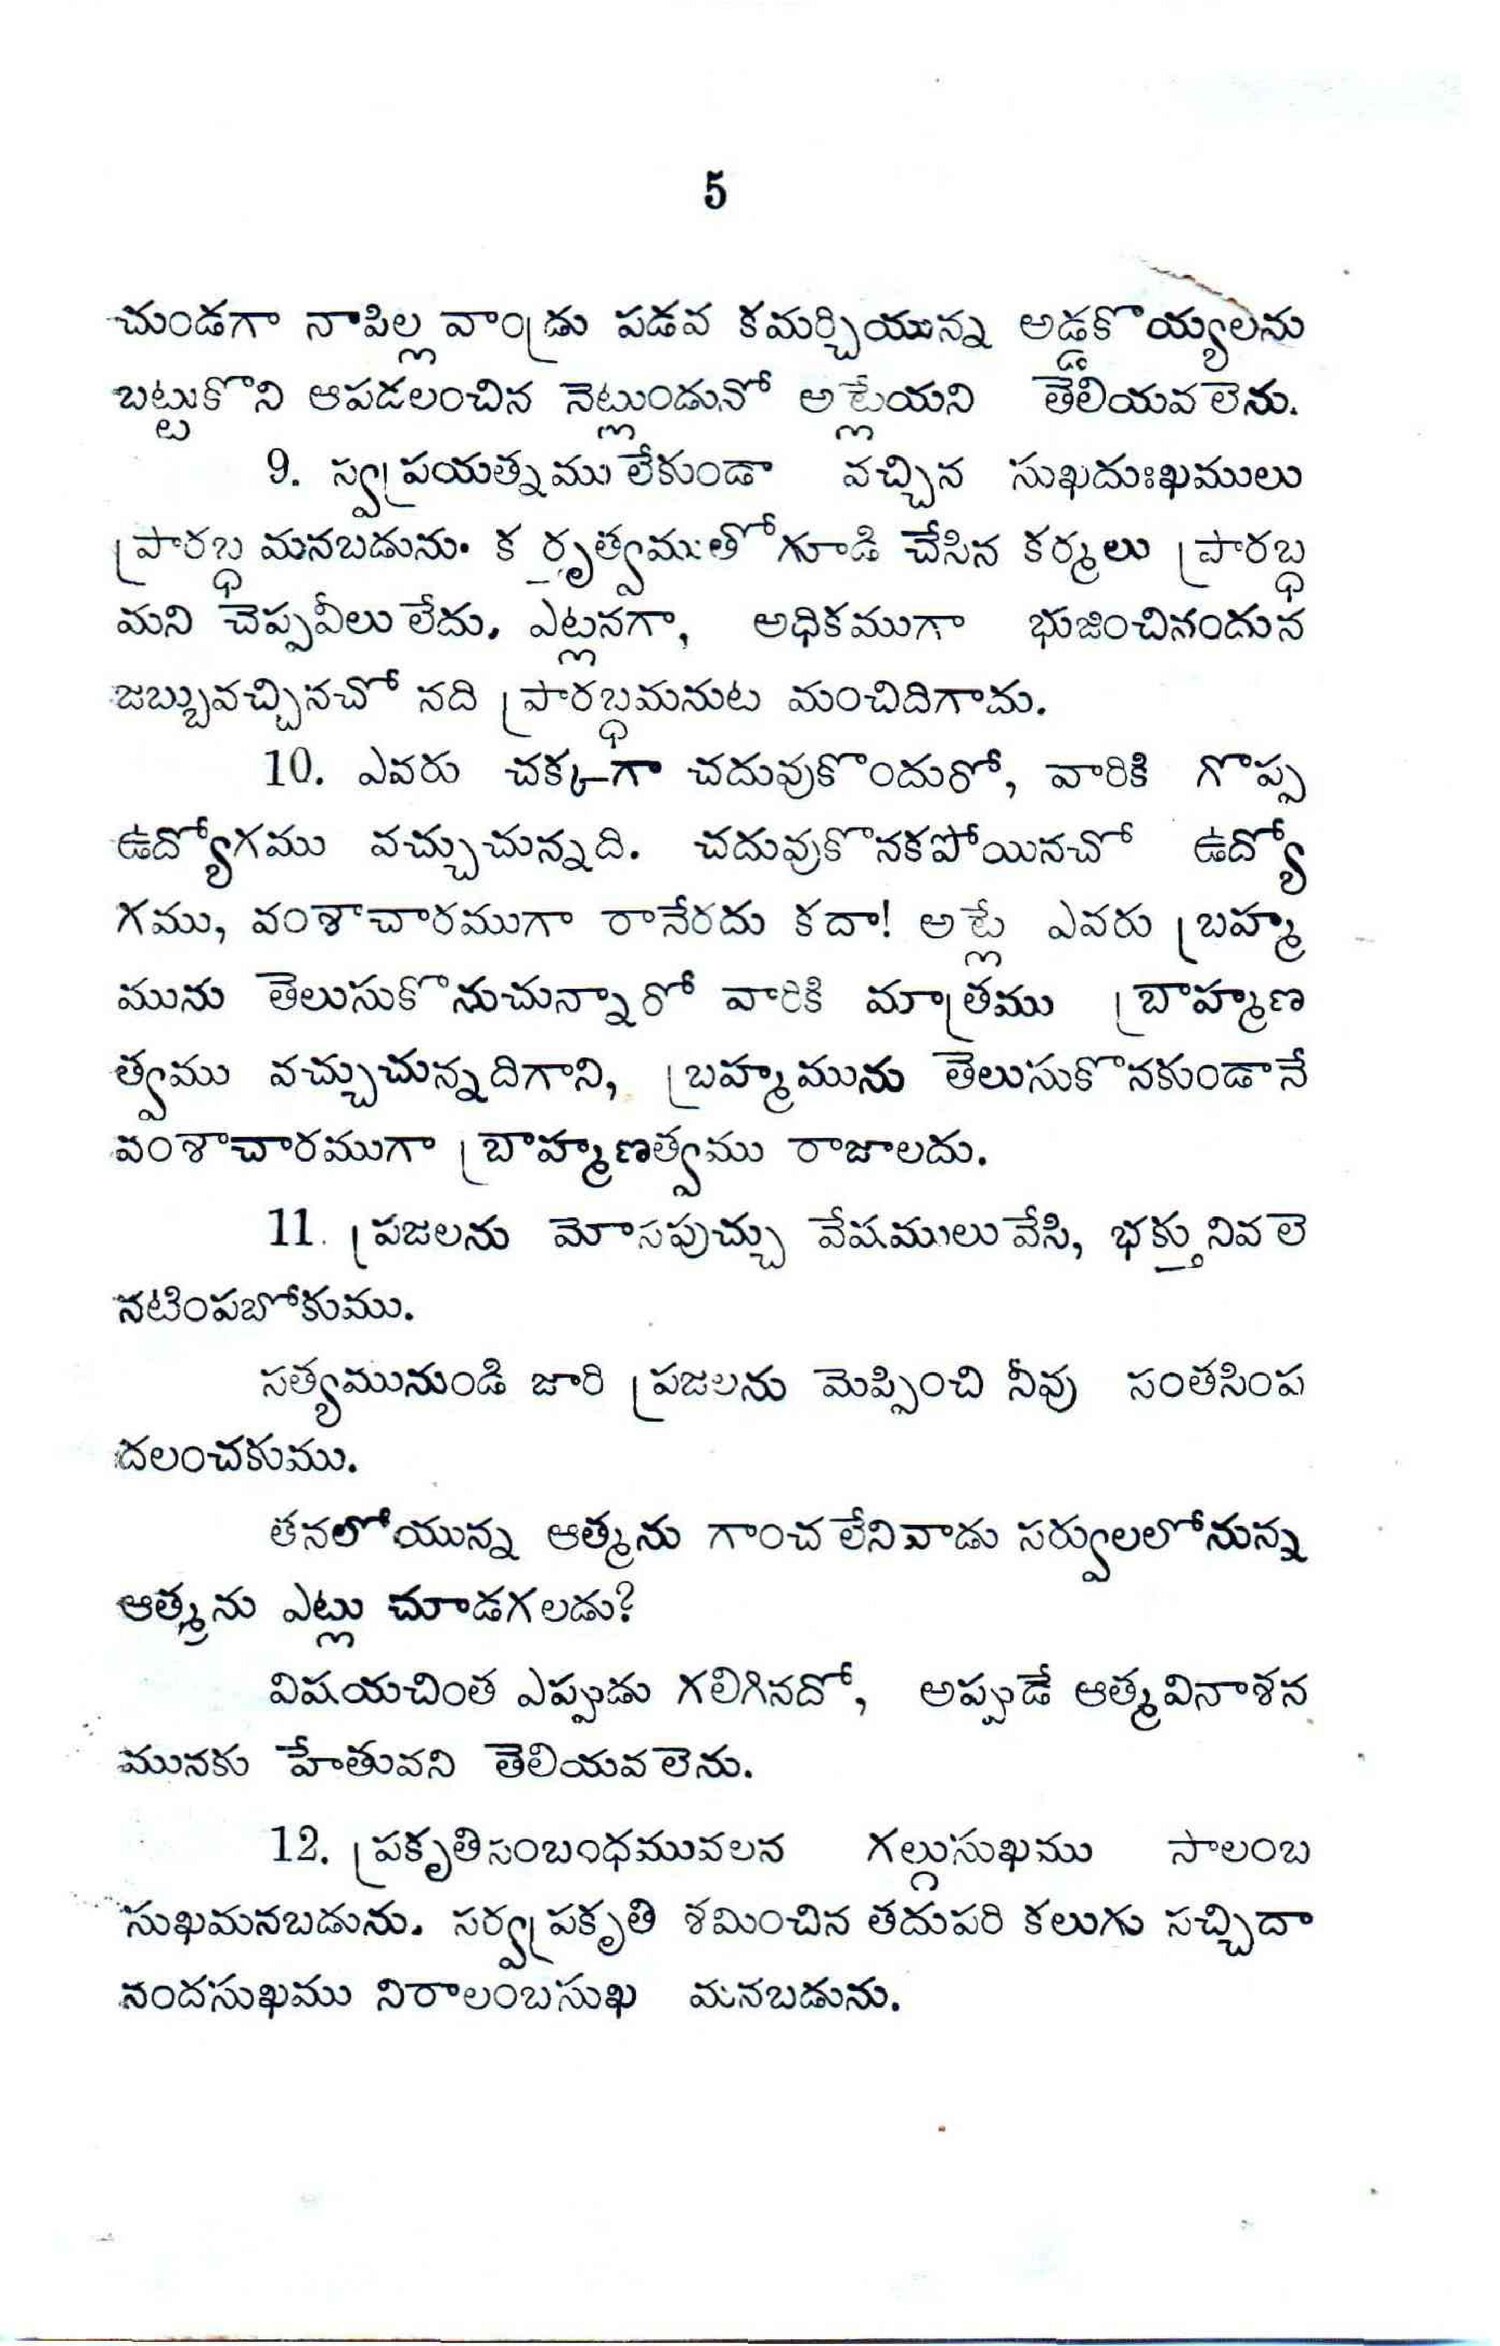చుండగా నాపిల్లవాండ్రు పడవ కమర్చియున్న అడ్డకొయ్యలను బట్టుకొని ఆపడలంచిన నెట్లుండునో అట్యని తెలియవలెను.

9. స్వప్రయత్నము లేకుండా వచ్చిన సుఖదుఃఖములు ప్రారబ్ద మనబడును. కర్తృత్వముతోగూడి చేసిన కర్మలు ప్రారబ్ధమని చెప్పవీలు లేదు, ఎట్లనగా, అధికముగా భుజించినందున జబ్బువచ్చినచో నది ప్రారబ్ధమనుట మంచిదిగాదు.

10. ఎవరు చక్కగా చదువుకొందురో, వారికి గొప్ప ఉద్యోగము వచ్చుచున్నది. చదువుకొనకపోయినచో ఉద్యోగము, వంశాచారముగా రానేరదు కదా! అట్లే ఎవరు బ్రహ్మమును తెలుసుకొనుచున్నారో వారికి మాత్రము బ్రాహ్మణత్వము వచ్చుచున్నదిగాని, బ్రహ్మమును తెలుసుకొనకుండానే వంశాచారముగా బ్రాహ్మణత్వము రాజాలదు.

11. ప్రజలను మోసపుచ్చు వేషములు వేసి, భక్తునివలె నటింపబోకుము.

సత్యమునుండి జారి ప్రజలను మెప్పించి నీవు సంతసింప దలంచకుము.

తనలోయున్న ఆత్మను గాంచలేనివాడు సర్వులలోనున్న ఆత్మను ఎట్లు చూడగలడు?

విషయచింత ఎప్పుడు గలిగినదో, అప్పుడే ఆత్మవినాశనమునకు హేతువని తెలియవలెను.

12. ప్రకృతిసంబంధమువలన గల్గుసుఖము సాలంబ సుఖమనబడును. సర్వప్రకృతి శమించిన తదుపరి కలుగు సచ్చిదానందసుఖము నిరాలంబసుఖ మనబడును.